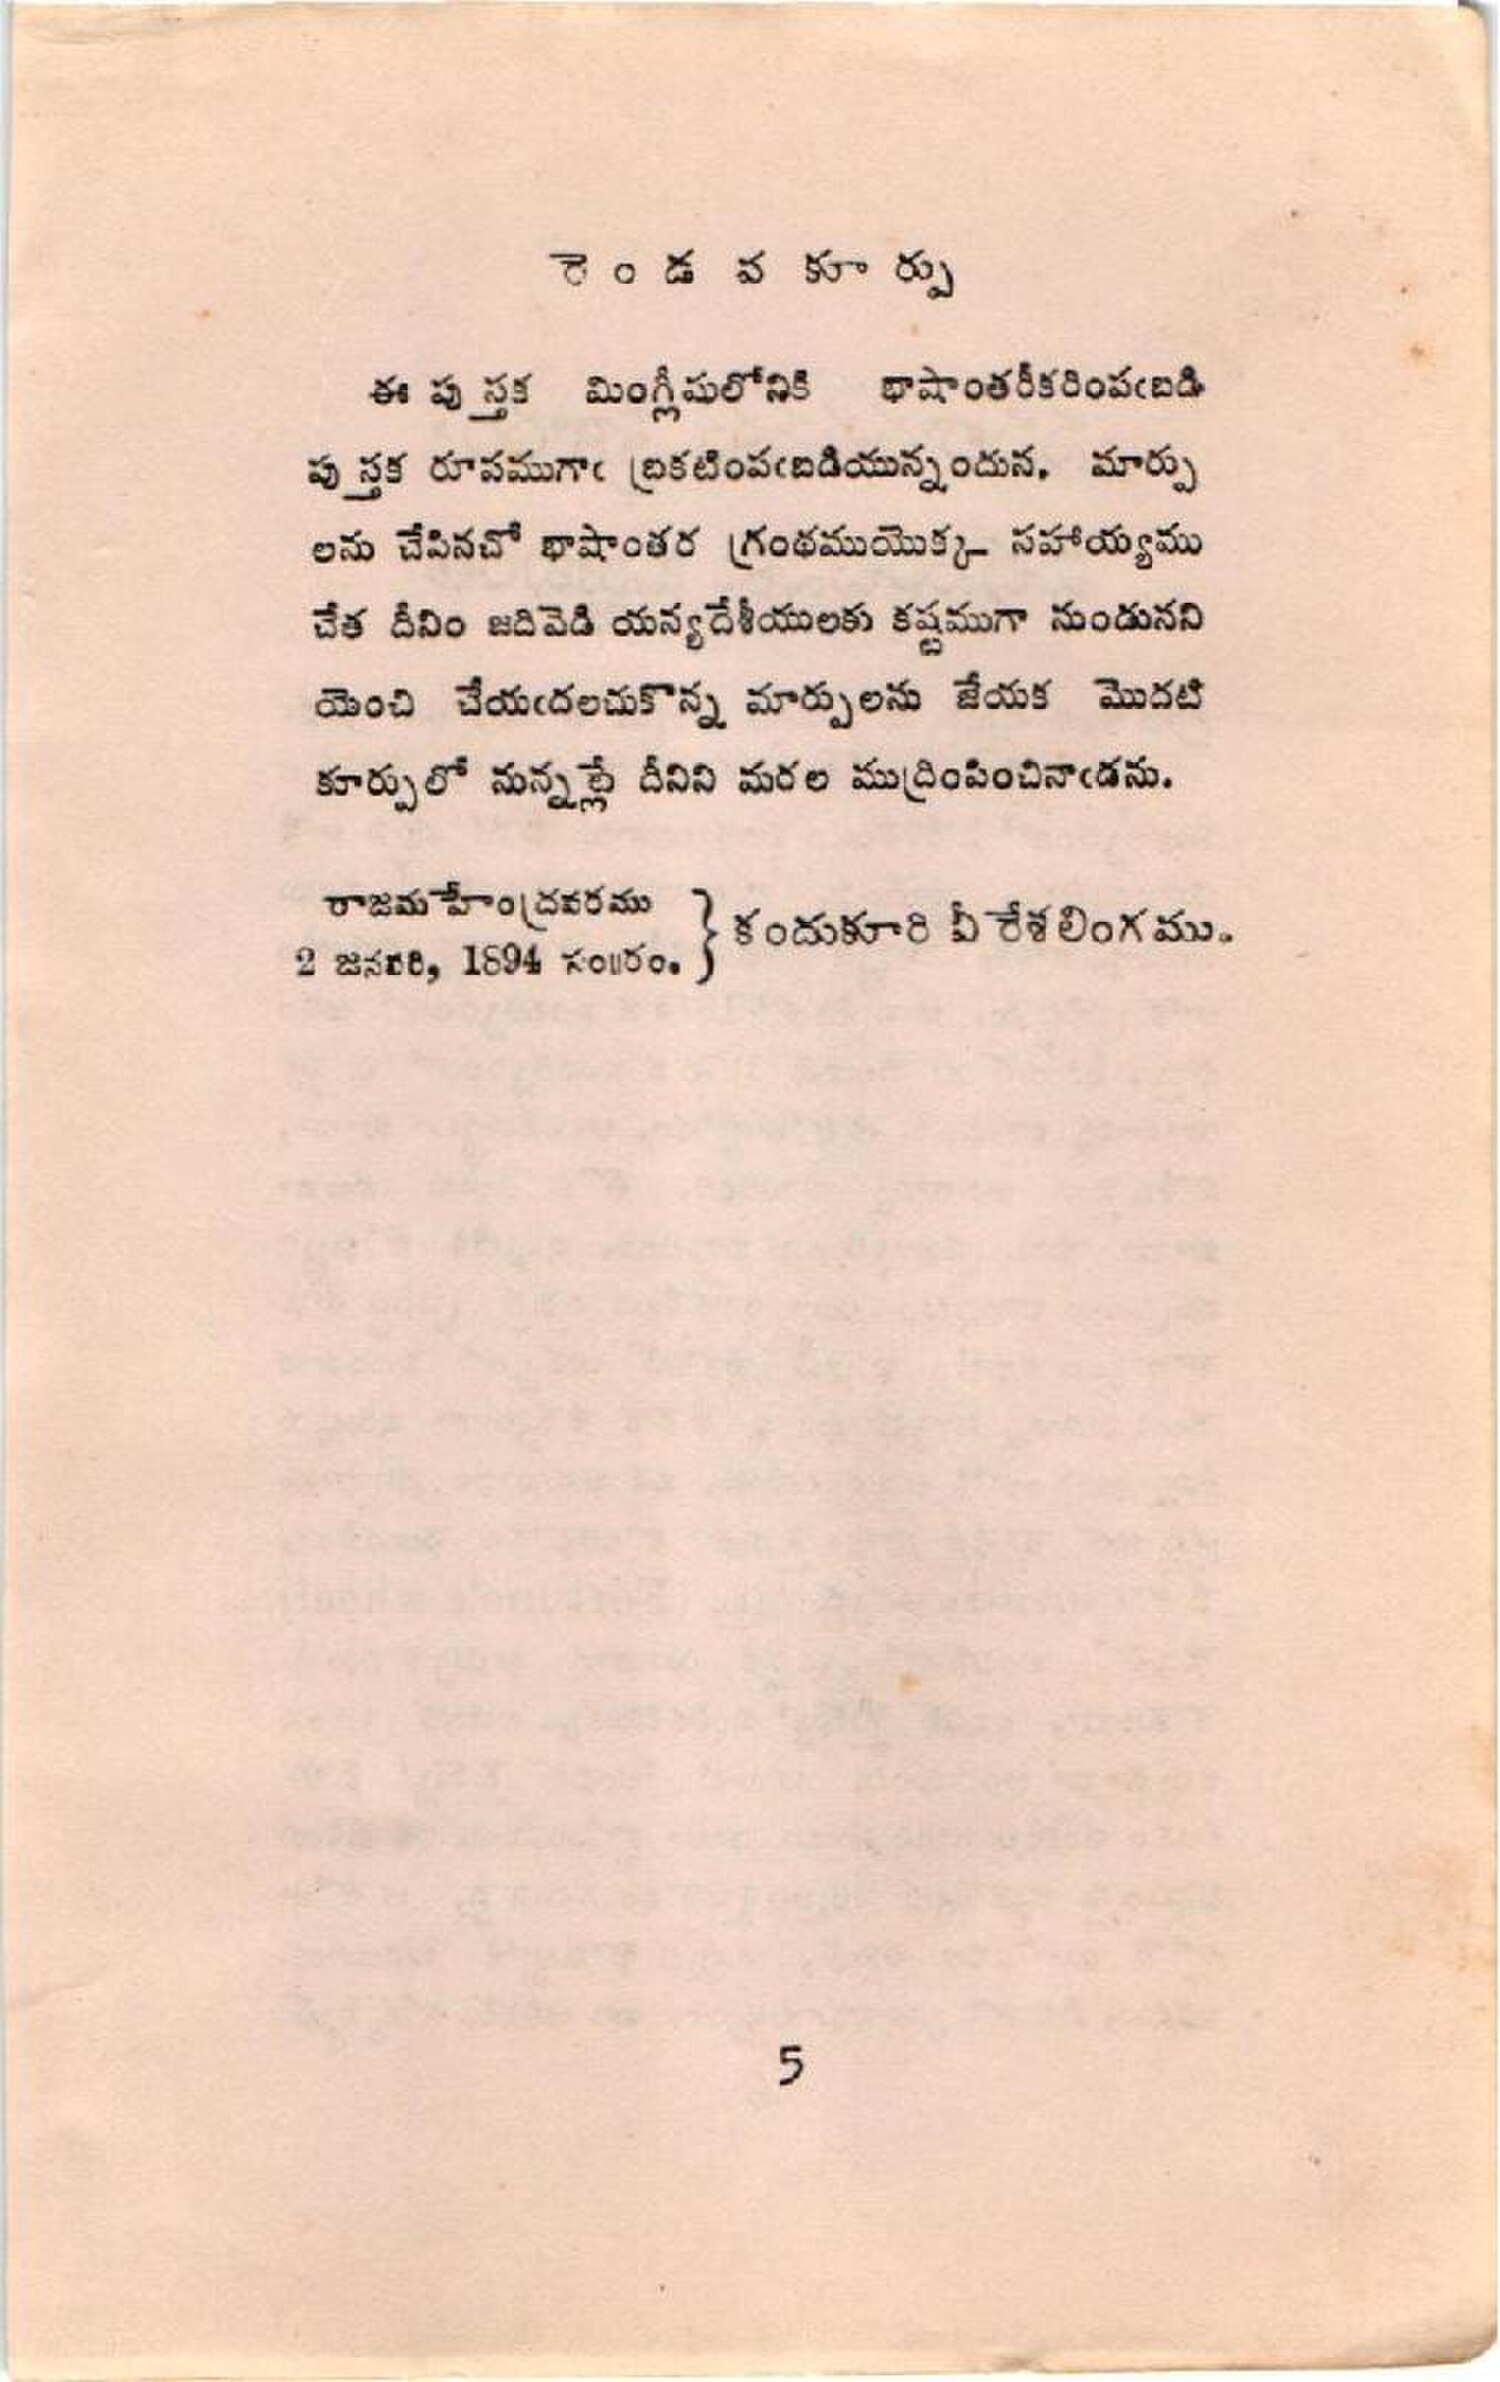రెండవ కూర్పు

ఈ పుస్తక మింగ్లీషులోనికి భాషాంతరీకరింపఁబడి పుస్తక రూపముగాఁ బ్రకటింపఁబడియున్నందున, మార్పులను చేసినచో భాషాంతర గ్రంథముయొక్క సహాయ్యము చేత దీనిం జదివెడి యన్యదేశీయులకు కష్టముగా నుండునని యెంచి చేయదలచుకొన్న మార్పులను జేయక మొదటి కూర్పులో నున్నట్లే దీనిని మరల ముద్రింపించినాఁడను,

రాజమహేంద్రవరము కందుకూరి వీరేశలింగము2 జనవరి, 1894 సం॥రం